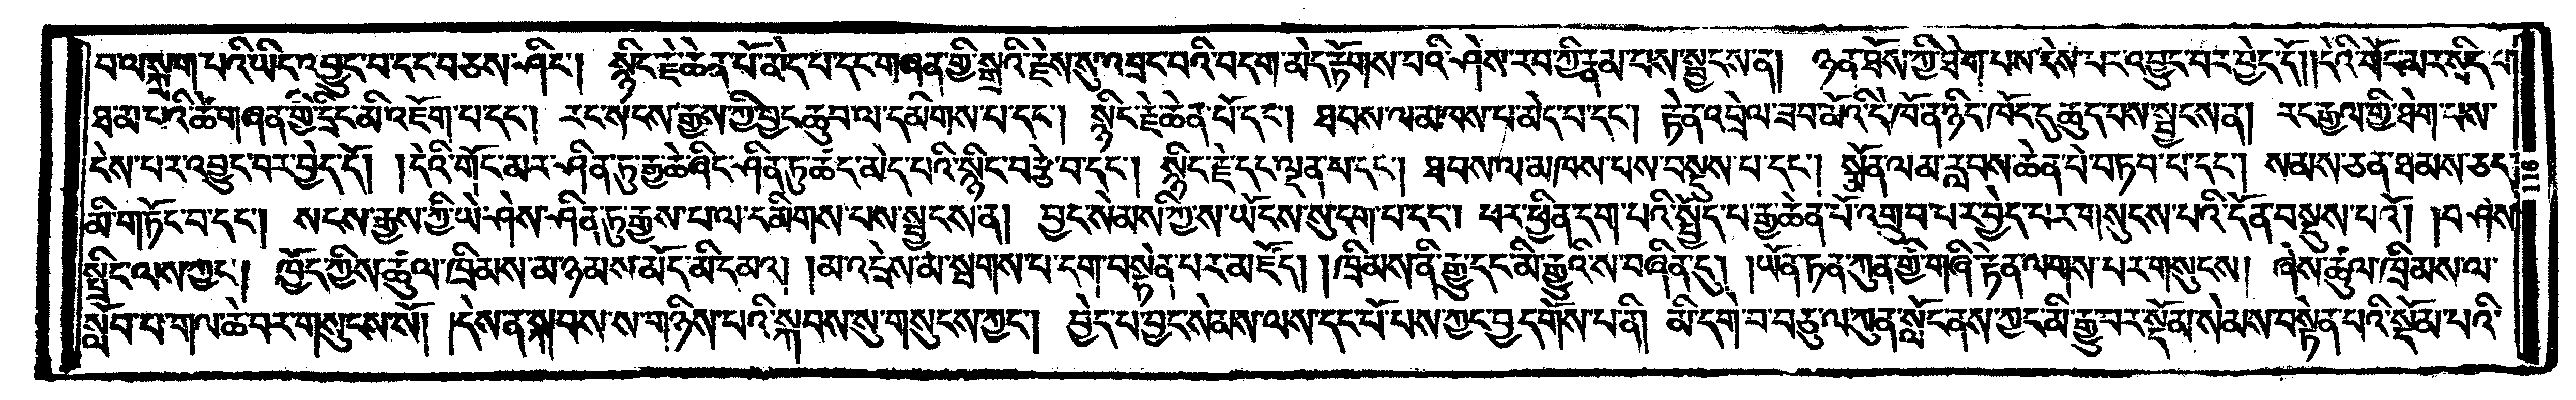བ་ལ་སྐྲག་པའི་ཡིད་འབྱུང་བ་དང་བཅས་ཤིང་། སྙིང་རྗེ་ཆེན་པོ་མེད་པ་དང་གཞན་གྱི་སྒྲའི་རྗེས་སུ་འབྲང་བའི་བདག་མེད་རྟོགས་པའི་ཤེས་རབ་ཀྱི་རྣམ་པས་སྦྱངས་ན། ཉན་ཐོས་ཀྱི་ཐེག་པས་ངེས་པར་འབྱུང་བར་བྱེད་དོ། །དེའི་གོང་མར་སྲིད་པ་
ཐ་མ་པའི་ཚེ་གཞན་གྱི་དྲིང་མི་འཇོག་པ་དང་། རང་སངས་རྒྱས་ཀྱི་བྱང་ཆུབ་ལ་དམིགས་པ་དང་། སྙིང་རྗེ་ཆེན་པོ་དང་། ཐབས་ལ་མཁས་པ་མེད་པ་དང་། རྟེན་འབྲེལ་ཟབ་མོའི་དེ་ཁོ་ན་ཉིད་ཁོང་དུ་ཆུད་པས་སྦྱངས་ན། རང་རྒྱལ་གྱི་ཐེག་པས་
ངེས་པར་འབྱུང་བར་བྱེད་དོ། །དེའི་གོང་མར་ཤིན་ཏུ་རྒྱ་ཆེ་ཞིང་ཤིན་ཏུ་ཚད་མེད་པའི་སྙིང་བརྩེ་བ་དང་། སྙིང་རྗེ་དང་ལྡན་པ་དང་། ཐབས་ལ་མཁས་པས་བསྡུས་པ་དང་། སྨོན་ལམ་རླབས་ཆེན་པོ་བཏབ་པ་དང་། སེམས་ཅན་ཐམས་ཅད་
མི་གཏོང་བ་དང་། སངས་རྒྱས་ཀྱི་ཡེ་ཤེས་ཤིན་ཏུ་རྒྱས་པ་ལ་དམིགས་པས་སྦྱངས་ན། བྱང་སེམས་ཀྱི་ས་ཡོངས་སུ་དག་པ་དང་། ཕར་ཕྱིན་དག་པའི་སྤྱོད་པ་རྒྱ་ཆེན་པོ་འགྲུབ་པར་བྱེད་པར་གསུངས་པའི་དོན་བསྡུས་པའོ། །བཤེས་
སྤྲིང་ལས་ཀྱང་། ཁྱོད་ཀྱིས་ཚུལ་ཁྲིམས་མ་ཉམས་མོད་མི་དམའ། །མ་འདྲེས་མ་སྤགས་པ་དག་བསྟེན་པར་མཛོད། །ཁྲིམས་ནི་རྒྱུ་དང་མི་རྒྱུའི་ས་བཞིན་དུ། ཡོན་ཏན་ཀུན་གྱི་གཞི་རྟེན་ལེགས་པར་གསུངས། ཞེས་ཚུལ་ཁྲིམས་ལ་
སློབ་པ་གལ་ཆེ་བར་གསུངས་སོ། །དེས་ན་སྐབས་ས་གཉིས་པའི་སྐབས་སུ་གསུངས་ཀྱང་། བྱེད་པ་བྱང་སེམས་ལས་དང་པོ་པས་ཀྱང་བྱ་དགོས་པ་ནི། མི་དགེ་བ་བཅུ་ལ་ཀུན་སློང་ནས་ཀྱང་མི་རྒྱུ་བར་སྡོམ་སེམས་བསྟེན་པའི་སྡོམ་པའི་